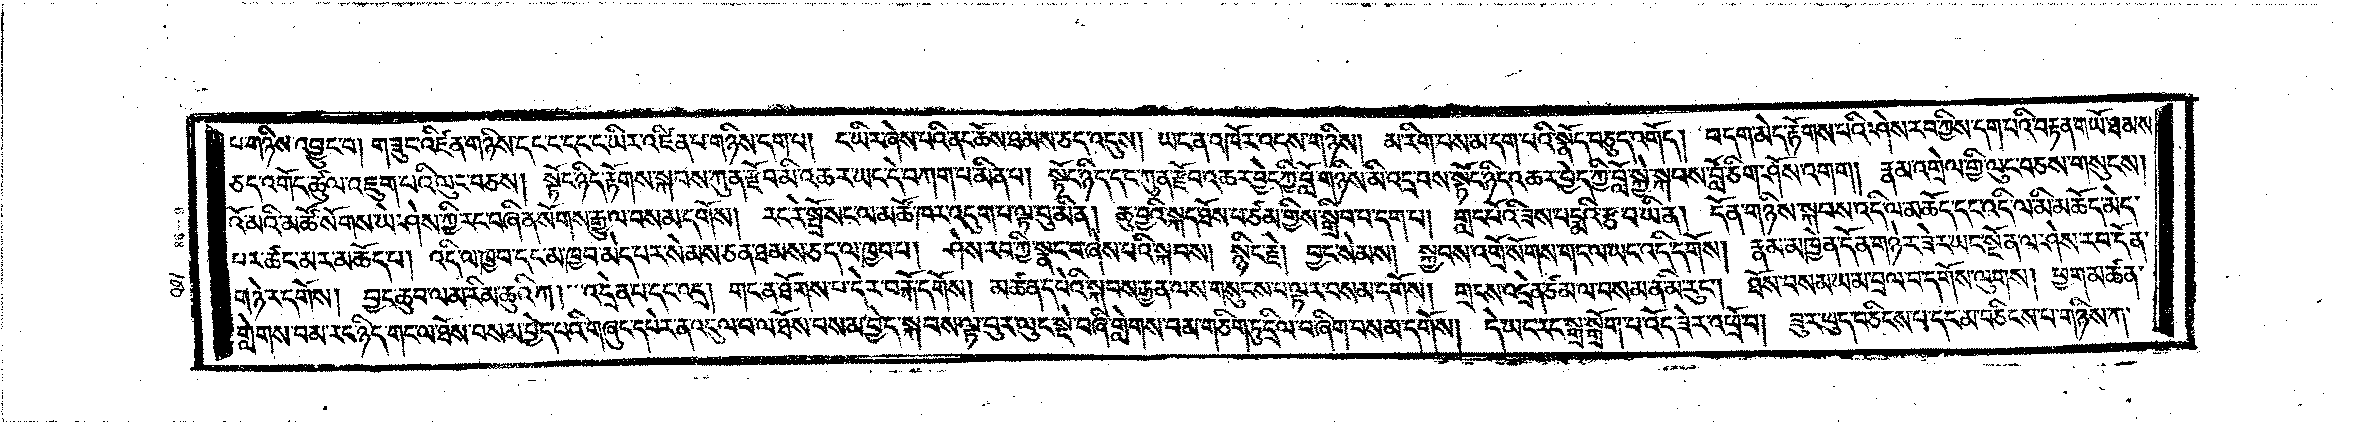གཉིས་འབྱུང་བ། གཟུང་འཛིན་གཉིས་དང་ང་དང་ང་ཡིར་འཛིན་པ་གཉིས་དག་པ། ང་ཡིར་ཞེས་པའི་ནང་ཆོས་ཐམས་ཅད་འདུས། ཡང་ན་འཁོར་འདས་གཉིས། མ་རིག་པས་མ་དག་པའི་སྣོད་བཅུད་འགོད། བདག་མེད་རྟོགས་པའི་ཤེས་རབ་ཀྱིས་དག་པའི་བརྟན་གཡོ་ཐམས་
ཅད་འགོད་ཚུལ་འཇུག་པའི་ལུང་བཅས། སྟོང་ཉིད་རྟོགས་སྐབས་ཀུན་རྫོབ་མི་འཆར་ཡང་དེ་བཀག་པ་མིན་པ། སྟོང་ཉིད་དང་ཀུན་རྫོབ་འཆར་བྱེད་ཀྱི་བློ་གཉིས་མི་འདྲ་བས་སྟོང་ཉིད་འཆར་བྱེད་ཀྱི་བློ་སྐྱེ་སྐབས་བློ་ཅིག་ཤོས་འགག །རྣམ་འགྲེལ་གྱི་ལུང་བཅས་གསུངས།
འོ་མའི་མཚོ་སོགས་ཡེ་ཤེས་ཀྱི་རང་བཞིན་སོགས་རྒྱུ་ལ་བསམ་དགོས། རང་རེ་སྤྲོ་སང་ལ་མཚོ་ཁར་འདུག་པ་ལྟ་བུ་མིན། ཆུ་བྱའི་སྐད་ཐོས་པ་ཙམ་གྱིས་སྒྲིབ་པ་དག་པ། གླང་པོའི་ཟིས་པདམའི་རྩའ་ཡིན། དོན་གཉིས་སྐབས་འདི་ལ་མཆོད་དང་འདི་ལ་མི་མཆོད་མེད་
པར་ཚང་མར་མཆོད་པ། འདི་ལ་ཁྱབ་དང་མ་ཁྱབ་མེད་པར་སེམས་ཅན་ཐམས་ཅད་ལ་ཁྱབ་པ། ཤེས་རབ་ཀྱི་སྣང་བ་ཞེས་པའི་སྐབས། སྙིང་རྗེ། བྱང་སེམས། སྐྱབས་འགྲོ་སོགས་གང་ལ་ཡང་འདི་དགོས། རྣམ་མཁྱེན་དོན་གཉེར་ཟེར་ཡང་སྔོན་ལ་ཤེས་རབ་དོན་
གཉེར་དགོས། བྱང་ཆུབ་ལམ་རིམ་ཆུའི་ཀ། འདྲེན་པ་དང་འདྲ། གང་ན་ཐོགས་པ་དེར་བརྐོ་དགོས། མཚན་དཔེའི་སྐབས་རྒྱན་ལས་གསུངས་པ་ལྟར་བསམ་དགོས། གྲངས་འདྲེན་ཙམ་ལ་བསམ་ན་མི་རུང་། ཐོས་བསམ་ཡམ་བྲལ་བ་དགོས་ལུགས། ཕྱག་མཚན་
གླེགས་བམ་རང་ཉིད་གང་ལ་ཐོས་བསམ་བྱེད་པའི་གཞུང་དཔེར་ན་འདུལ་བ་ལ་ཐོས་བསམ་བྱེད་སྐབས་ལྟ་བུར་ལུང་སྡེ་བཞི་གླེགས་བམ་གཅིག་ཏུ་དྲིལ་བ་ཞིག་བསམ་དགོས། དེ་ཡང་རང་སྒྲ་སྒྲོག་པ་འོད་ཟེར་འཕྲོ་བ། ཟུར་ཕུད་བཅིངས་བ་དང་མ་བཅིངས་པ་གཉིས་ཀ་